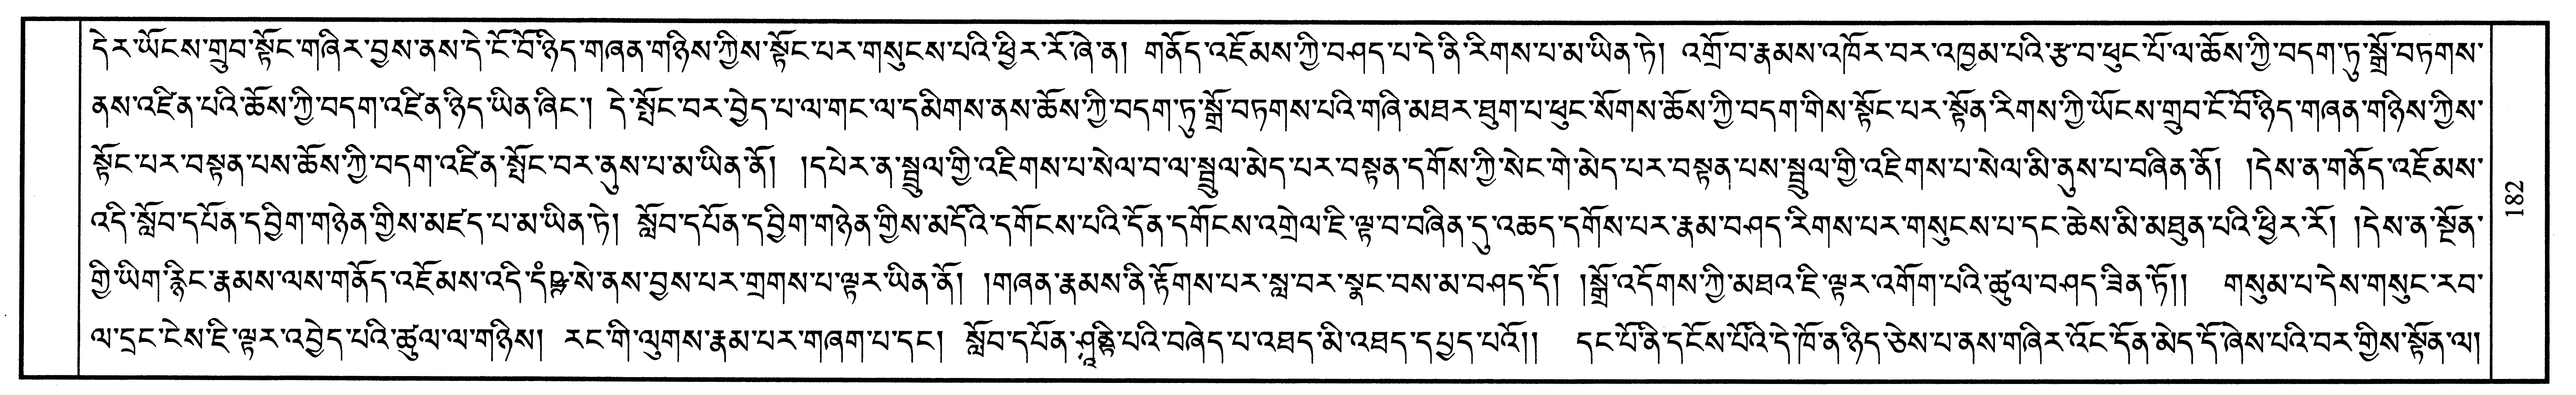དེར་ཡོངས་གྲུབ་སྟོང་གཞིར་བྱས་ནས་དེ་ངོ་བོ་ཉིད་གཞན་གཉིས་ཀྱིས་སྟོང་པར་གསུངས་པའི་ཕྱིར་རོ་ཞེ་ན། གནོད་འཇོམས་ཀྱི་བཤད་པ་དེ་ནི་རིགས་པ་མ་ཡིན་ཏེ། འགྲོ་བ་རྣམས་འཁོར་བར་འཁྱམ་པའི་རྩ་བ་ཕུང་པོ་ལ་ཆོས་ཀྱི་བདག་ཏུ་སྒྲོ་བཏགས་
ནས་འཛིན་པའི་ཆོས་ཀྱི་བདག་འཛིན་ཉིད་ཡིན་ཞིང་། དེ་སྤོང་བར་བྱེད་པ་ལ་གང་ལ་དམིགས་ནས་ཆོས་ཀྱི་བདག་ཏུ་སྒྲོ་བཏགས་པའི་གཞི་མཐར་ཐུག་པ་ཕུང་སོགས་ཆོས་ཀྱི་བདག་གིས་སྟོང་པར་སྟོན་རིགས་ཀྱི་ཡོངས་གྲུབ་ངོ་བོ་ཉིད་གཞན་གཉིས་ཀྱིས་
སྟོང་པར་བསྟན་པས་ཆོས་ཀྱི་བདག་འཛིན་སྤོང་བར་ནུས་པ་མ་ཡིན་ནོ། །དཔེར་ན་སྦྲུལ་གྱི་འཇིགས་པ་སེལ་བ་ལ་སྦྲུལ་མེད་པར་བསྟན་དགོས་ཀྱི་སེང་གེ་མེད་པར་བསྟན་པས་སྦྲུལ་གྱི་འཇིགས་པ་སེལ་མི་ནུས་པ་བཞིན་ནོ། །དེས་ན་གནོད་འཇོམས་
འདི་སློབ་དཔོན་དབྱིག་གཉེན་གྱིས་མཛད་པ་མ་ཡིན་ཏེ། སློབ་དཔོན་དབྱིག་གཉེན་གྱིས་མདོའི་དགོངས་པའི་དོན་དགོངས་འགྲེལ་ཇི་ལྟ་བ་བཞིན་དུ་འཆད་དགོས་པར་རྣམ་བཤད་རིགས་པར་གསུངས་པ་དང་ཆེས་མི་མཐུན་པའི་ཕྱིར་རོ། །དེས་ན་སྔོན་
གྱི་ཡིག་རྙིང་རྣམས་ལས་གནོད་འཇོམས་འདི་དཾཥྚ་སེ་ནས་བྱས་པར་གྲགས་པ་ལྟར་ཡིན་ནོ། །གཞན་རྣམས་ནི་རྟོགས་པར་སླ་བར་སྣང་བས་མ་བཤད་དོ། །སྒྲོ་འདོགས་ཀྱི་མཐའ་ཇི་ལྟར་འགོག་པའི་ཚུལ་བཤད་ཟིན་ཏོ།། གསུམ་པ་དེས་གསུང་རབ་
ལ་དྲང་ངེས་ཇི་ལྟར་འབྱེད་པའི་ཚུལ་ལ་གཉིས། རང་གི་ལུགས་རྣམ་པར་གཞག་པ་དང་། སློབ་དཔོན་ཤཱནྟི་པའི་བཞེད་པ་འཐད་མི་འཐད་དཔྱད་པའོ།། དང་པོ་ནི་དངོས་པོའི་དེ་ཁོ་ན་ཉིད་ཅེས་པ་ནས་གཞིར་འོང་དོན་མེད་དོ་ཞེས་པའི་བར་གྱིས་སྟོན་ལ།